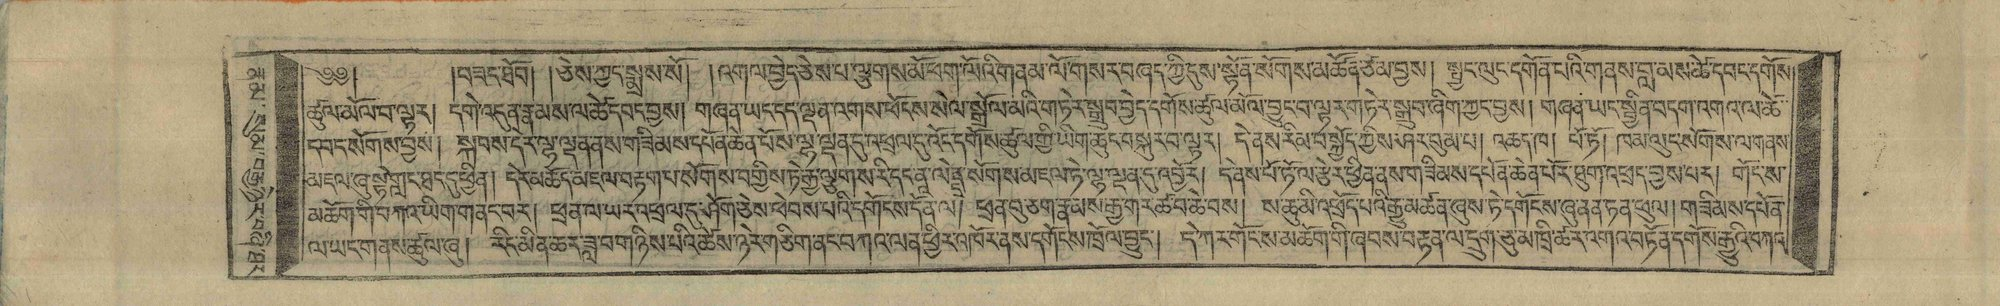༄༅། །བཟང་ཐོབ། །ཅེས་ཀྱང་སྨྲས་སོ། །འགལ་བྱེད་ཅེས་པ་ལྕགས་མོ་ཕག་ལོའི་གནམ་ལོ་གསར་བཞད་ཀྱི་དུས་སྟོན་སོགས་མཚོན་ཙམ་བྱས། སྦྱང་ལུང་དགོན་པའི་གནས་བླ་མས་ཚེ་དབང་དགོས་
ཚུལ་མོལ་བ་ལྟར། དགེ་འདུན་རྣམས་ལ་ཚེ་དབང་བྱས། གཞན་ཡང་དད་ལྡན་འགས་ཕོངས་སེལ་སྒྲོལ་མའི་གཏེར་སྒྲུབ་བྱེད་དགོས་ཚུལ་མོལ་བྱུང་བ་ལྟར་གཏེར་སྒྲུབ་ཞིག་ཀྱང་བྱས། གཞན་ཡང་སྦྱིན་བདག་འགའ་ལ་ཚེ་
དབང་སོགས་བྱས། སྐབས་དེར་ལྷ་ལྡན་ནས་གཟིམས་དཔོན་ཆེན་པོས་ལྷ་ལྡན་འཕྲལ་དུ་འོང་དགོས་ཚུལ་གྱི་ཡིག་ཆུང་བསྐུར་བ་ལྟར། དེ་ནས་རིམ་བསྐྱོད་ཀྱིས་ཤར་བུམ་པ། འཆད་ཁ། པོ་ཏོ། ཁམ་ལུང་སོགས་ལ་གནས་
མཇལ་ཞུ་སྟེ་གླང་ཐང་དུ་ཕྱིན། དེར་མཆོད་མཇལ་བརྟག་པ་སོགས་བགྱིས་ཏེ་རྒྱ་ལྕགས་རི་དང་ནཱ་ལེནྡྲ་སོགས་མཇལ་ཏེ་ལྷ་ལྡན་དུ་འབྱོར། དེ་ནས་པོ་ཏོ་ལ་རྩེར་ཕྱིན་ནས་གཟིམས་དཔོན་ཆེན་པོར་ཐུག་འཕྲད་བྱས་པར། གོང་ས་
མཆོག་གི་བཀའ་ཡིག་གནང་བར། ཕྲན་ལ་ཡར་འཕྲལ་དུ་ཤོག་ཅེས་ཕེབས་པའི་དགོངས་དོན་ལ། ཕྲན་བུ་ཅག་རྣམས་རྒྱ་གར་ཚ་བ་ཆེ་བས། ས་ཆུ་མི་འཕྲོད་པའི་རྒྱུ་མཚན་ཞུས་ཏེ་དགོངས་ཞུ་ནན་ཏན་ཕུལ། གཟིམས་དཔོན་
ལ་ཡང་གནས་ཚུལ་ཞུ། རིང་མིན་ཆར་ཟླ་བ་གཉིས་པའི་ཚེས་ཉེར་གཅིག་ནང་བཀའ་ལན་ཕྱིར་འཁོར་ནས་དགོངས་ཁྲོལ་བྱུང་། དེ་ཀར་གོང་ས་མཆོག་གི་ཞབས་བརྟན་ལ་དྲུག་ཅུ་མ་ཁྲི་ཚར་འགའ་བཏོན་དགོས་རྒྱུའི་བཀའ་